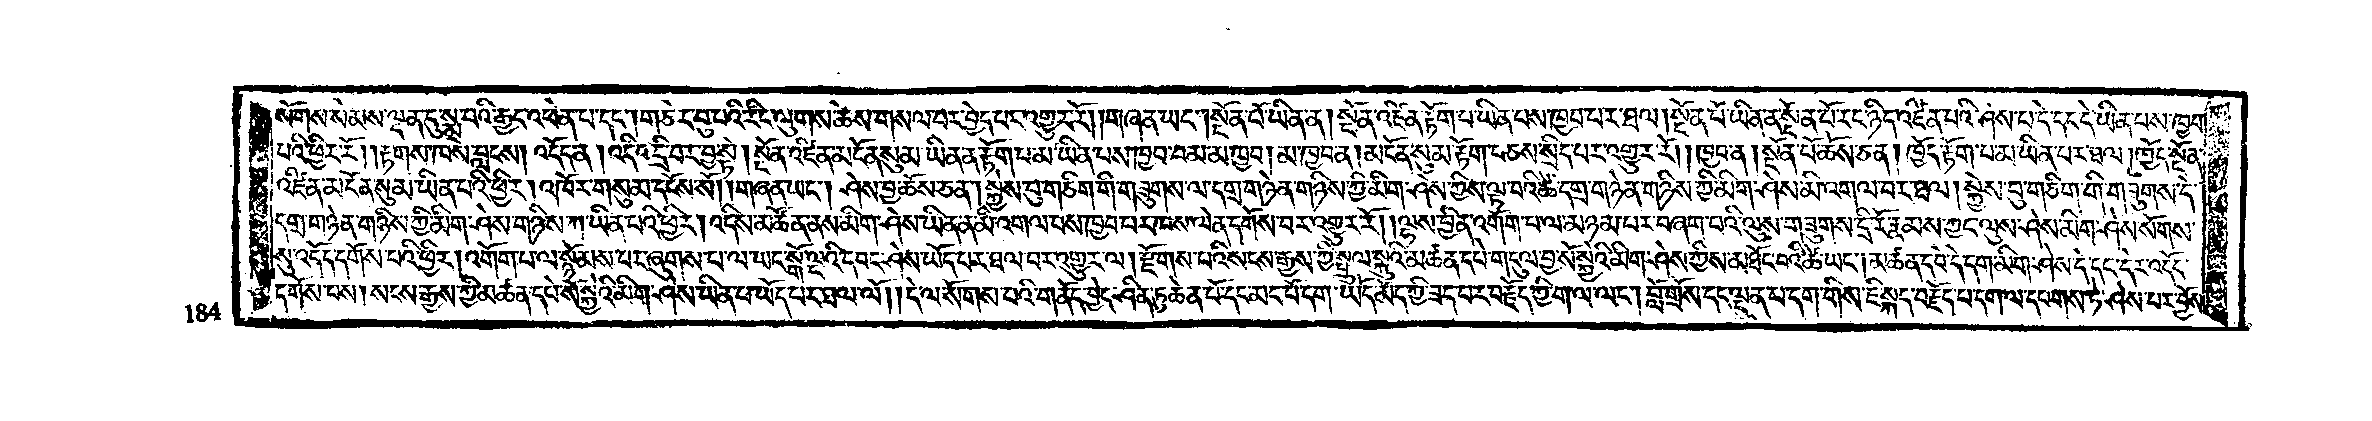སོགས་སེམས་ལྡན་དུ་སྨྲ་བའི་རྒྱང་འཕེན་པ་དང་། གཅེར་བུ་པའི་རིང་ལུགས་ཆེས་གསལ་བར་བྱེད་པར་འགྱུར་རོ། །གཞན་ཡང་། སྔོན་པོ་ཡིན་ན། སྔོན་འཛིན་རྟོག་པ་ཡིན་པས་ཁྱབ་པར་ཐལ། སྔོན་པོ་ཡིན་ན་སྔོན་པོ་རང་ཉིད་འཛིན་པའི་ཤེས་པ་དེ་དང་དེ་ཡིན་པས་ཁྱབ་
པའི་ཕྱིར་རོ། །རྟགས་ཁས་བླངས། འདོད་ན། འདི་འདྲི་བར་བྱ་སྟེ། སྔོན་འཛིན་མངོན་སུམ་ཡིན་ན་རྟོག་པ་མ་ཡིན་པས་ཁྱབ་བམ་མ་ཁྱབ། མ་ཁྱབ་ན། མངོན་སུམ་རྟོག་བཅས་སྲིད་པར་འགྱུར་རོ། །ཁྱབ་ན། སྔོན་པོ་ཆོས་ཅན། ཁྱོད་རྟོག་པ་མ་ཡིན་པར་ཐལ། ཁྱོད་སྔོན་
འཛིན་མངོན་སུམ་ཡིན་པའི་ཕྱིར། འཁོར་གསུམ་དངོས་སོ། །གཞན་ཡང་། ཤེས་བྱ་ཆོས་ཅན། སྐྱེས་བུ་གཅིག་གི་གཟུགས་ལ་དགྲ་གཉེན་གཉིས་ཀྱི་མིག་ཤེས་ཀྱིས་ལྟ་བའི་ཚེ་དགྲ་གཉེན་གཉིས་ཀྱི་མིག་ཤེས་མི་འགལ་བར་ཐལ། སྐྱེས་བུ་གཅིག་གི་གཟུགས་དེ་
དགྲ་གཉེན་གཉིས་ཀྱི་མིག་ཤེས་གཉིས་ཀ་ཡིན་པའི་ཕྱིར། འདིས་མཚོན་ནས་མིག་ཤེས་ཡིན་ན་མི་འགལ་བས་ཁྱབ་པར་ཁས་ལེན་དགོས་པར་འགྱུར་རོ། །ལྷས་བྱིན་འགོག་པ་ལ་མཉམ་པར་བཞག་པའི་ལུས་གཟུགས་དྲི་རོ་རྣམས་ཀྱང་ལུས་ཤེས་མིག་ཤེས་སོགས་
སུ་འདོད་དགོས་པའི་ཕྱིར། འགོག་པ་ལ་སྙོམས་པར་ཞུགས་པ་ལ་ཡང་སྒོ་ལྔའི་དབང་ཤེས་ཡོད་པར་ཐལ་བར་འགྱུར་ལ། རྫོགས་པའི་སངས་རྒྱས་ཀྱི་སྤྲུལ་?་སྐུའི་མཚན་དཔེ་གདུལ་བྱ་སོ་སྐྱེའི་མིག་ཤེས་ཀྱིས་མཐོང་བའི་ཚེ་ཡང་། མཚན་དཔེ་དེ་དག་མིག་ཤེས་དེ་དང་དེར་འདོད་
དགོས་པས། སངས་རྒྱས་ཀྱི་མཚན་དཔེ་སོ་སྐྱེའི་མིག་ཤེས་ཡིན་པ་ཡོད་པར་ཐལ་ལོ། །དེ་ལ་སོགས་པའི་གནོད་བྱེད་ཤིན་ཏུ་ཆེན་པོ་དང་མང་པོ་དག་ཡོད་མེད་ཀྱི་ཟད་པར་བརྗོད་ཀྱི་ག་ལ་ལང་། བློ་གྲོས་དང་ལྡན་པ་དག་གིས་ཇི་སྐད་བརྗོད་པ་དག་ལ་དཔགས་ཏེ་ཤེས་པར་བྱོས་